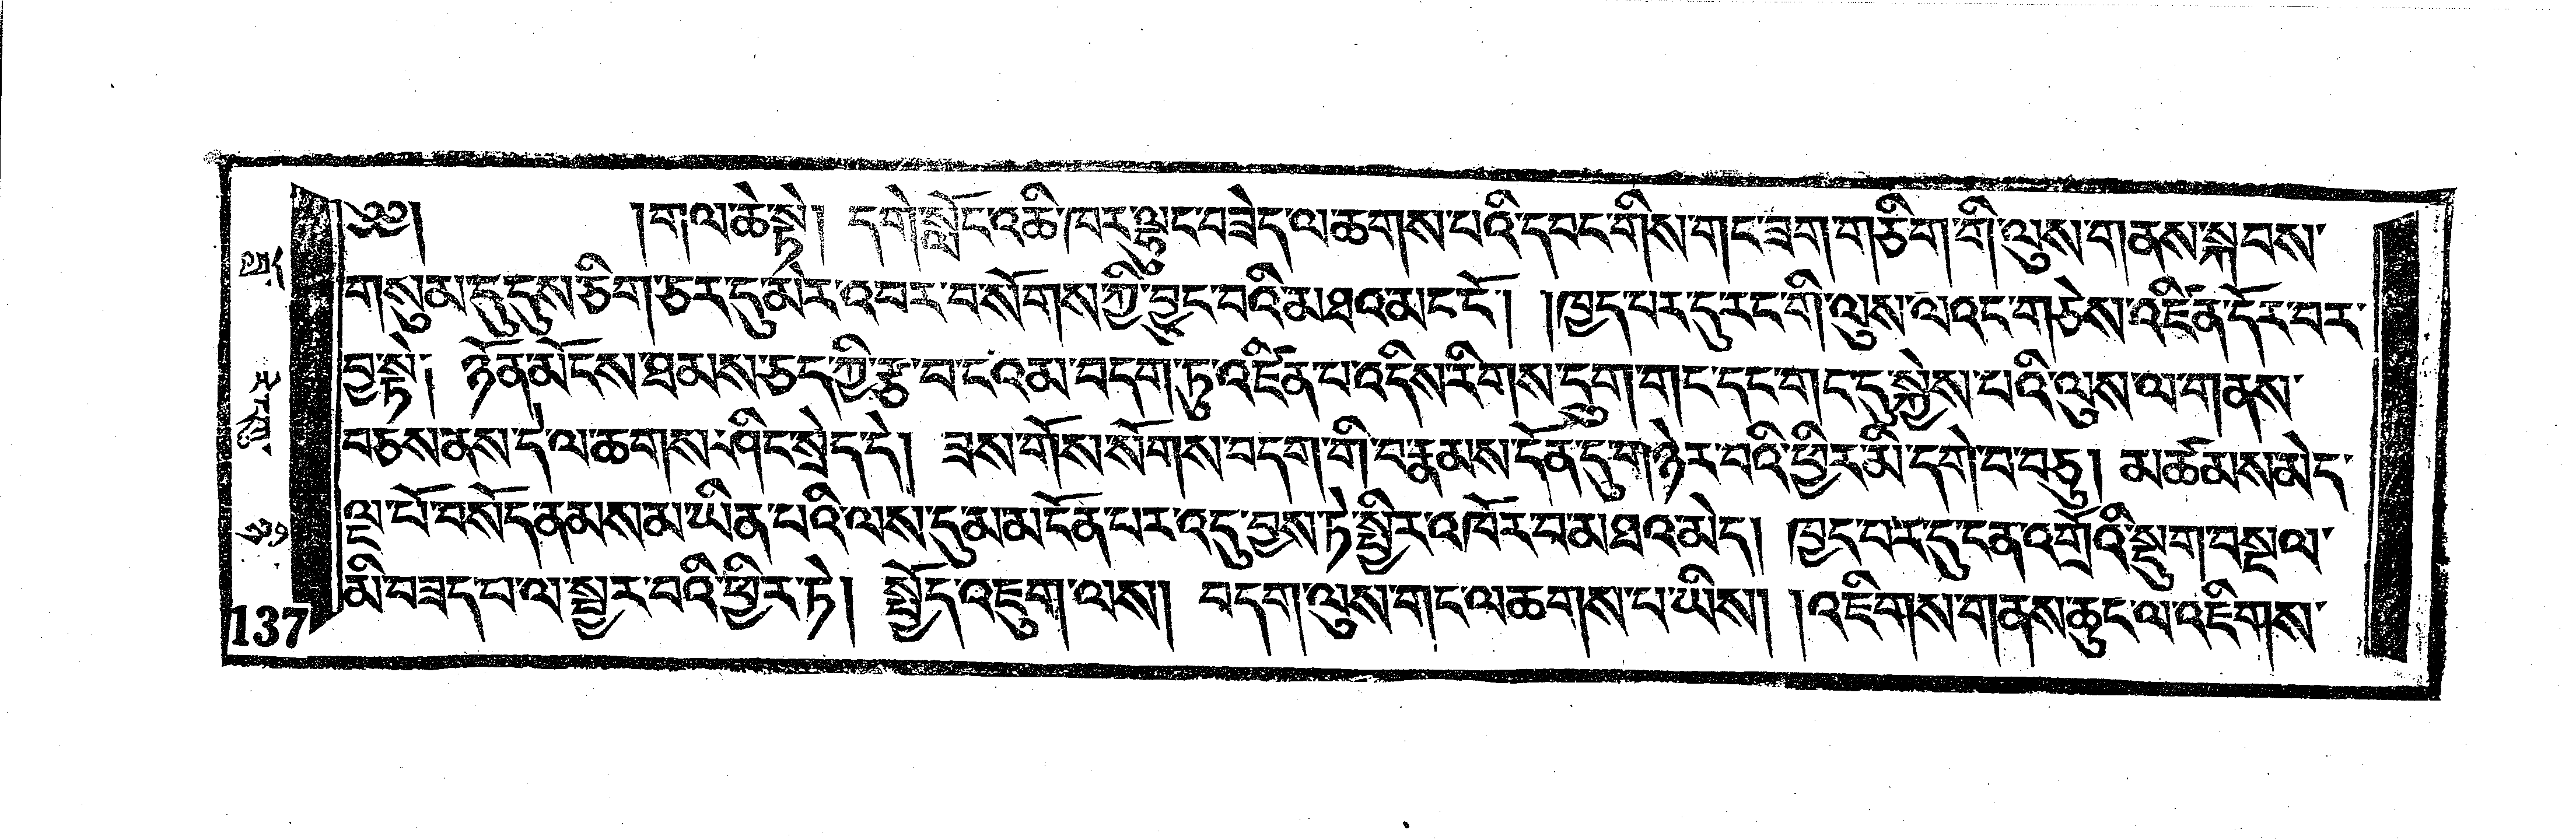༄༅། །གལ་ཆེ་སྟེ། དགེ་སློང་འཆི་ཁར་ལྷུང་བཟེད་ལ་ཆགས་པའི་དབང་གིས་གང་ཟག་གཅིག་གི་ལུས་གནས་སྐབས་
གསུམ་དུ་དུས་ཅིག་ཅར་དུ་མེར་འབར་བ་སོགས་ཀྱི་བྱུང་བའི་མཐའ་མང་ངོ། །ཁྱད་པར་དུ་རང་གི་ལུས་ལའང་གཅེས་འཛིན་དོར་བར་
བྱ་སྟེ། ཉོན་མོངས་ཐམས་ཅད་ཀྱི་རྩ་བ་ངའམ་བདག་ཏུ་འཛིན་པ་འདིས་རིགས་དྲུག་གང་དང་གང་དུ་སྐྱེས་པའི་ལུས་ལ་གནས་
བཅས་ནས་དེ་ལ་ཆགས་ཤིང་སྲེད་དེ། ཟས་གོས་སོགས་བདག་གི་བ་རྣམས་དོན་དུ་གཉེར་བའི་ཕྱིར་མི་དགེ་བ་བཅུ། མཚམས་མེད་
ལྔ་པོ་བསོད་ནམས་མ་ཡིན་པའི་ལས་དུ་མ་མངོན་པར་འདུ་བྱས་ཏེ་སྤྱིར་འཁོར་བ་མཐའ་མེད། ཁྱད་པར་དུ་ངན་འགྲོའི་སྡུག་བསྔལ་
མི་བཟད་པ་ལ་སྦྱར་བའི་ཕྱིར་ཏེ། སྤྱོད་འཇུག་ལས། བདག་ལུས་གང་ལ་ཆགས་པ་ཡིས། །འཇིགས་གནས་ཆུང་ལ་འཇིགས་